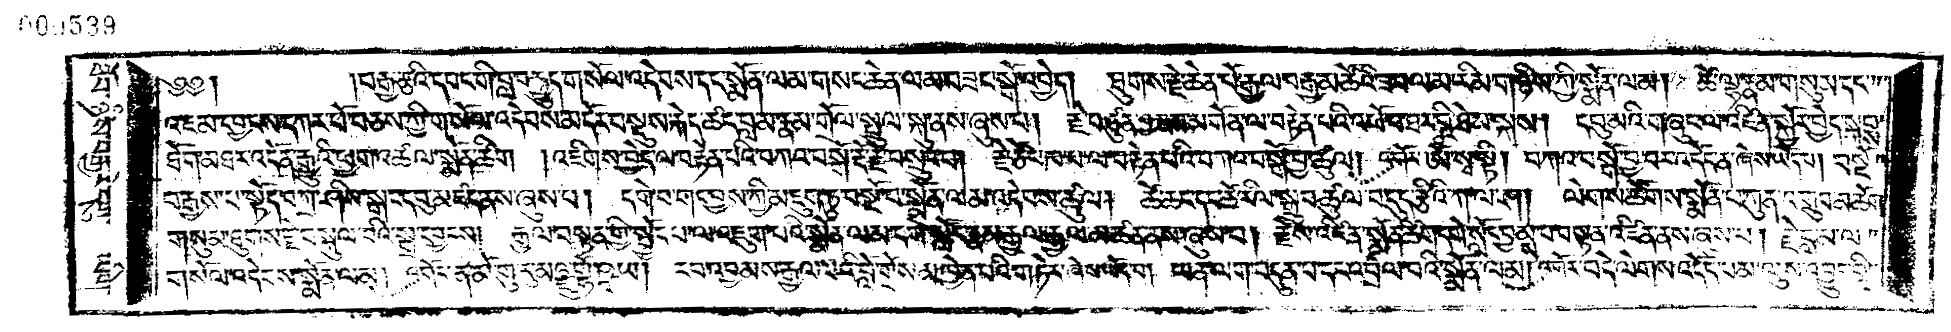༄༅། །བརྒྱ་རྩའི་དབང་གི་བླ་བརྒྱུད་གསོལ་འདེབས་དང་སྨོན་ལམ་གསང་ཆེན་ལམ་བཟང་སྒོ་འབྱེད། ཐུགས་རྗེ་ཆེན་པོ་རྒྱལ་བ་རྒྱ་མཚོའི་ཟབ་ལམ་རིམ་གཉིས་ཀྱི་སྨོན་ལམ། ཚེ་ལྷ་རྣམ་གསུམ་དང་
འཇམ་དབྱངས་དཀར་པོ་བཅས་ཀྱི་གསོལ་འདེབས་མདོར་བསྡུས་རྐེད་ཚང་བླ་མ་རྣམ་གྲོལ་སྤྲུལ་སྐུ་ནས་ཞུས་པ། རྗེ་བཙུན་བྱམས་མགོན་ལ་བརྟེན་པའི་འཕོ་བ་ཐར་བའི་ཐེམ་སྐས། དབུ་མའི་གཞུང་ལ་འཛིན་སྐྱོར་བྱེད་སྐབས་
ཐོག་མཐར་འདོན་རྒྱུའི་ཕྱག་འཚལ་སྨོན་ཚིག །འཇིགས་བྱེད་ལ་བརྟེན་པའི་བཀའ་བསྒོ་རྡོ་རྗེ་བསྲུང་བ། རྗེ་ཙོང་ཁ་པ་ལ་བརྟེན་པའི་བཀའ་བསྒོ་བྱ་ཚུལ་འགོར་ཨོཾ་སྭ་སྟི།  བཀའ་བསྒོ་བྱ་བར་འདོད་ན་ཞེས་ཡོད་པ། བསྔོ་
བ་རྒྱས་པ་སྟོད་བཀྲ་ཤིས་སྒང་དབུ་མཛད་ནས་ཞུས་པ། དགེ་བ་གང་བྱས་ཀྱི་མཇུག་ཏུ་བསྔོ་བ་སྨོན་ལམ་འདེབས་ཚུལ། ཚེ་ཆང་དང་ཚེ་རིལ་སྒྲུབ་ཚུལ་བདུད་རྩིའི་ཀ་ལ་ཤ། ལེགས་ཚོགས་སྨོན་པ་ཀུན་འགྲུབ་མཆོག་
གསུམ་ཐུགས་རྗེ་བསྐུལ་བའི་སྒྲ་དབྱངས། རྒྱལ་བསྟན་གྱི་སྤྱོད་པ་ལ་འཇུག་པའི་སྨོན་ལམ་དགེ་སློང་རྣམ་རྒྱལ་རྒྱལ་མཚན་ནས་ཞུས་པ། རྗེས་འཛིན་སྨོན་ཚིག་དགེ་སློང་བྱམས་པ་བསྟན་འཛིན་ནས་ཞུས་པ། རྗེ་བླ་མ་ལ་
གསོལ་འདེབས་སྨོན་ལམ་འགོར་ན་མོ་གུ་རུ་མཉྫུ་གྷོ་ཥཱ་ཡ། རབ་འབྱམས་རྒྱལ་བའི་བློ་གྲོས་མཁྱེན་པའི་གཏེར་ཞེས་ཡོད་པ།  ཡན་ལག་བདུན་པ་དང་འབྲེལ་བའི་སྨོན་ལམ་འགོར་བདེ་ལེགས་འདོད་པ་མ་ལུས་འབྱུང་བའི་